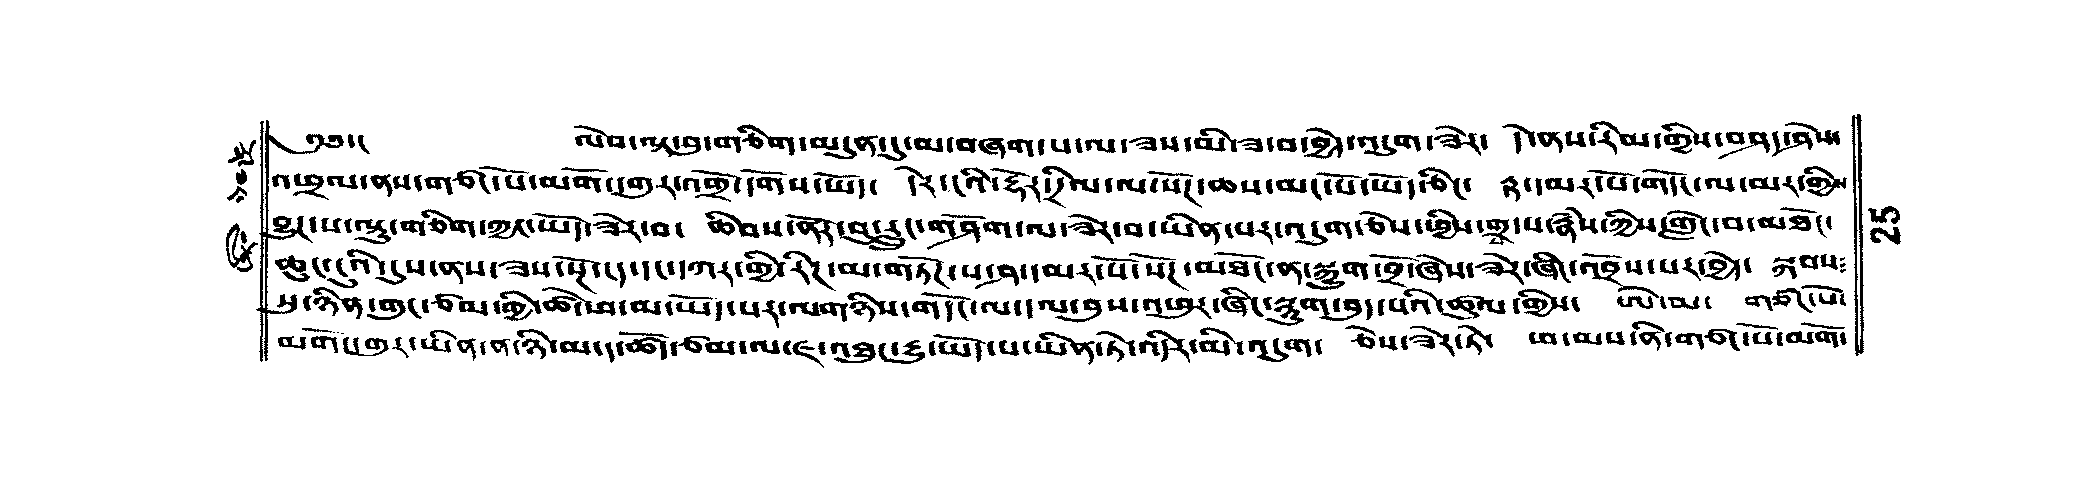ལེབ་ལྟ་བུ་གཅིག་མདུན་དུ་མ་བཞགས་པ་ལ་ཟས་མི་ཟ་བ་བྱེད་འདུག་ཟེར། དེ་ནས་རིམ་གྱིས་བཤད་ཤེས་
འཕྲལ་ནས་གཙང་པོ་མགོ་དགུར་འགྲོ་དགོས་ཡོད། དེར་ངའི་རྡོར་དྲིལ་ལ་སོགས་ཆས་མང་པོ་ཡོད་ཅིང་། རྟ་དམར་པོ་གདོང་ལ་མར་གྱིས་
བྱུགས་པ་ལྟ་བུ་གཅིག་ཀྱང་ཡོད་ཟེར་བ། ཆིབས་ནོར་བུ་རླུང་གཤོག་ལ་ཟེར་བ་ཡིན་པར་འདུག་ཅེས་ཕྱིས་གྲྭ་པ་རྣམས་ཀྱིས་གླེང་བ་མཐོང་། 
ཆུང་ངུའི་དུས་ནས་ཟས་སྔོ་ངད་དང་དཀར་གྱི་རིགས་མ་གཏོགས་པ་ཤ་དམར་པོ་སོགས་མཐོང་ན་སྐྱུག་བྲོ་ཞེས་ཟེར་ཞིང་འབྲོས་པར་བྱེད།སྐབས་
སུ་ཉིན་གུང་ཙམ་གྱི་ཚེ་ཕ་མ་ཡོད་སར་ལག་གཉིས་གདོང་ལ་དལ་བུས་འཕུར་ཞིང་སྙུག་བུད་པའི་ཚུལ་གྱིས། ཨེ་མ། གཙང་པོ་
མགོ་དགུར་ཡིན་ན་ཉི་མ་ད་ཚོད་ཙམ་ལ་ཇ་འཐུང་རྒྱུ་ཡོད་པ་ཡིན་ཏེ་འདིར་མི་འདུག ཅེས་ཟེར་ཏེ། ཕ་མས་ནི་གཙང་པོ་མགོ་